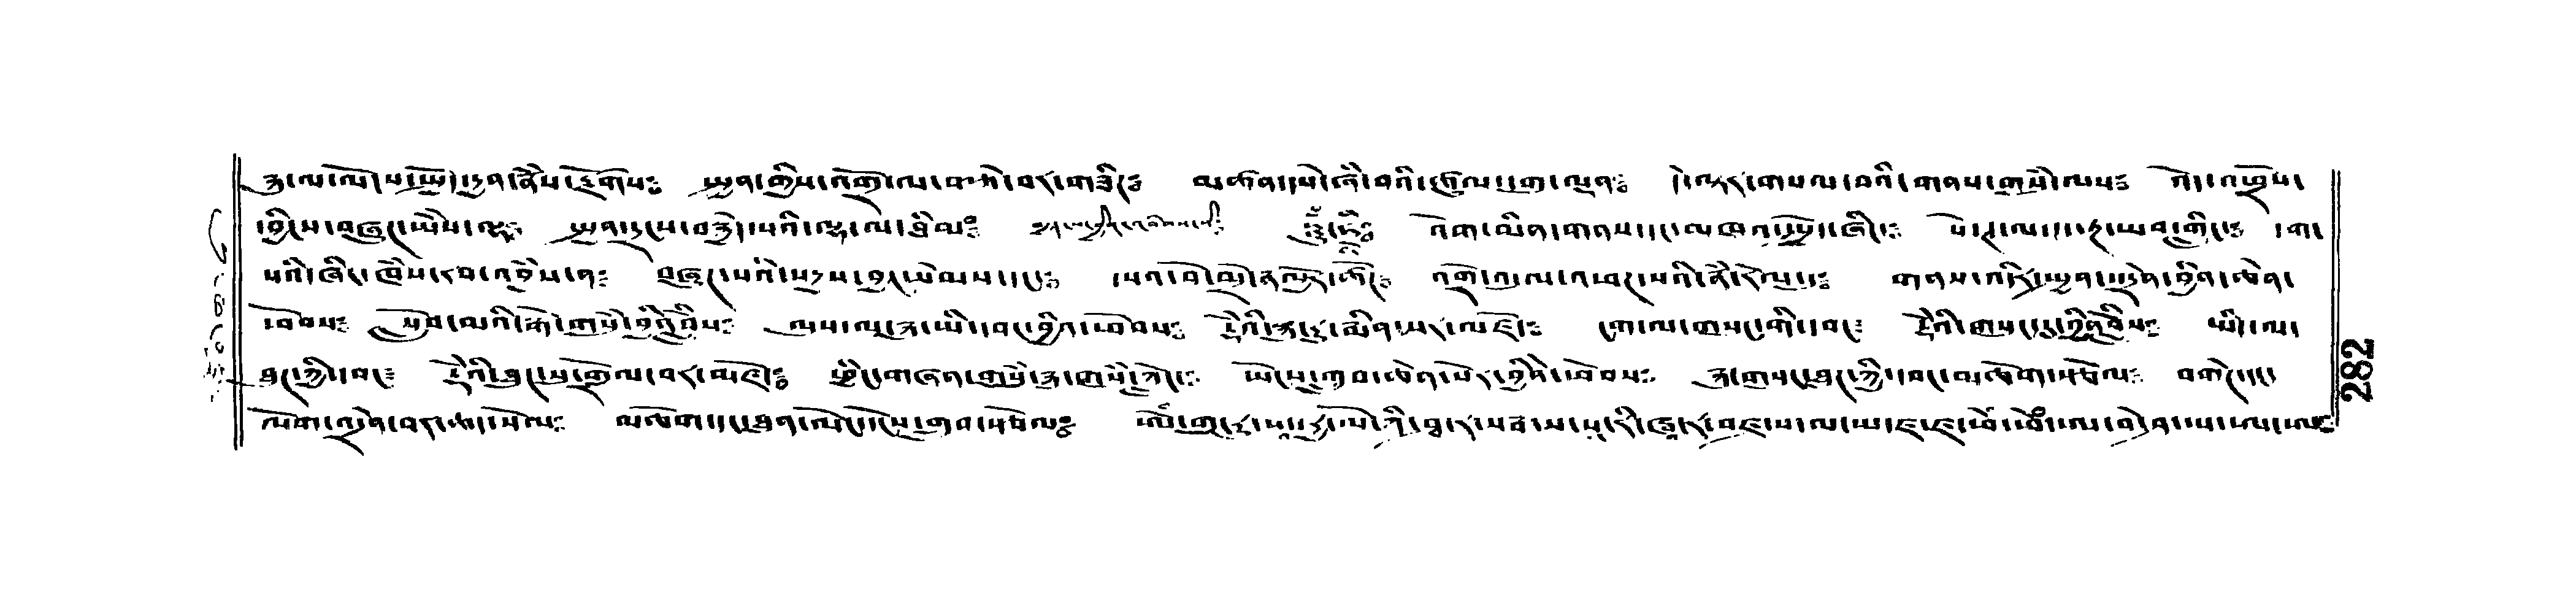སྐུ་ལ་ལོངས་སྤྱོད་རྒྱན་རྣམས་རྫོགས༔ སྤྱན་གྱིས་འགྲོ་ལ་བརྩེ་བར་གཟིགས༔ མཚན་དཔེ་ཞི་བའི་ཚུལ་དགུ་ལྡན༔ དེ་ལྟར་གསལ་བའི་གནས་གསུམ་ལས༔ འོད་འཕྲོས་
དབྱིངས་བཞུགས་ཡེ་ཤེས་ལྷ༔ སྤྱན་དྲངས་བསྐྱེད་པའི་ལྷ་ལ་ཐིམ༔ བརྒྱད་པ་བྱིན་འབེབས་ནི༔ ཧཱུྃ་ཧྲཱིཿ འོག་མིན་གནས་དང་མཁའ་སྤྱོད་ཞིང༔ པོ་ཊ་ལ་དང་རྔ་ཡབ་གླིང༔ དག་
པའི་ཞིང་ཁམས་རབ་འབྱམས་ན༔ བཞུགས་པའི་སངས་རྒྱས་བྱང་སེམས་དང༔ དཔའ་བོ་མཁའ་འགྲོ་རྣལ་འབྱོར་ཚོགས༔འགྲོ་འདུལ་འཕགས་པའི་རྣམ་རོལ་དུ༔ གནས་འདིར་སྤྱན་འདྲེན་བྱིན་ཆེན་
ཕོབས༔ སློབ་མའི་སྒོ་གསུམ་བྱིན་གྱིས་རློབས༔ ལུས་ལ་སྐུ་ཡི་དབང་བྱིན་ཕོབས༔ རྡོ་རྗེའི་སྐུ་རུ་སྨིན་པར་མཛོད༔ ངག་ལ་གསུང་གི་དབང༴ རྡོ་རྗེའི་གསུང་དུ་བྱིན་གྱིས་རློབས༔ ཡིད་ལ་
ཐུགས་ཀྱི་དབང༴ རྡོ་རྗེའི་ཐུགས་སུ་གྲོལ་བར་མཛོད༔ ཕྱི་ནང་གཞན་གསུམ་སྐུ་གསུམ་ཀློང༔ ཡོངས་གྲུབ་ཆེན་པར་བྱིན་ཆེན་ཕོབས༔ སྐུ་གསུང་ཐུགས་ཀྱི་དབང་མཆོག་སྩོལ༔ བགེགས་དང་
ལོག་འདྲེན་བར་ཆད་སོལ༔ མཆོག་དང་ཐུན་མོང་དངོས་གྲུབ་སྩོལ༔ ཨོཾ་གུ་རུ་ཨརྻ་ལོ་ཀི་ཤྭ་ར་སརྦ་ས་པཱ་རི་ཝཱ་ར་བཛྲ་ས་མ་ཡ་ཛ་ཛ་ཕེཾ་ཕེཾ་ཨ་བེ་ཤ་ཡ་ཨ་ཨཱཿ